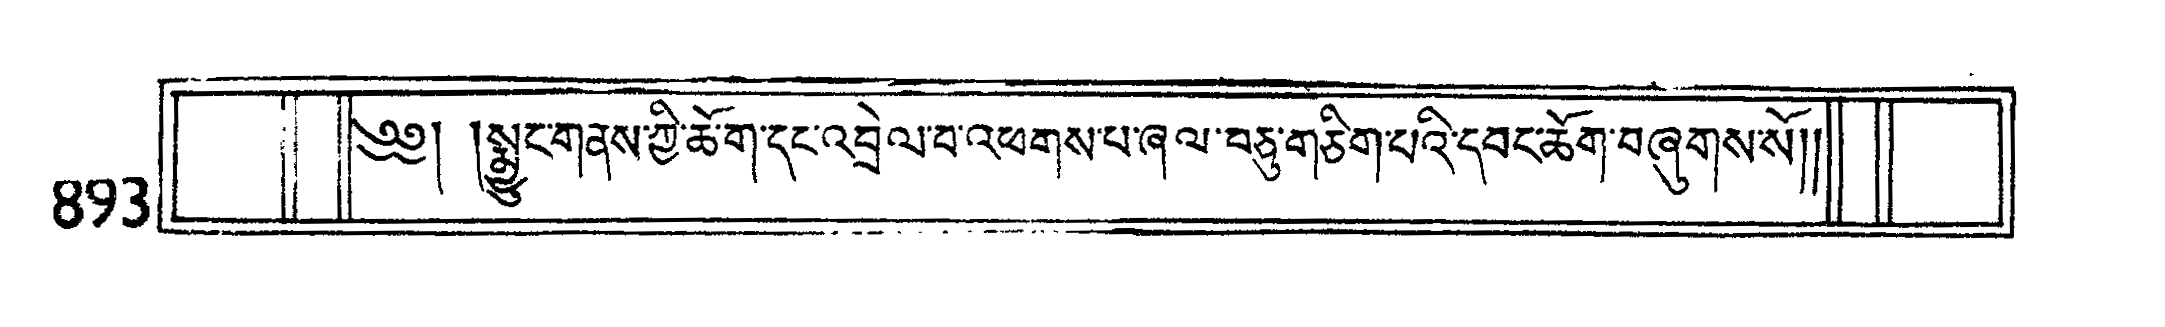༄༅། །སྨྱུང་གནས་ཀྱི་ཆོ་ག་དང་འབྲེལ་བ་འཕགས་པ་ཞལ་བཅུ་གཅིག་པའི་དབང་ཆོག་བཞུགས་སོ། །